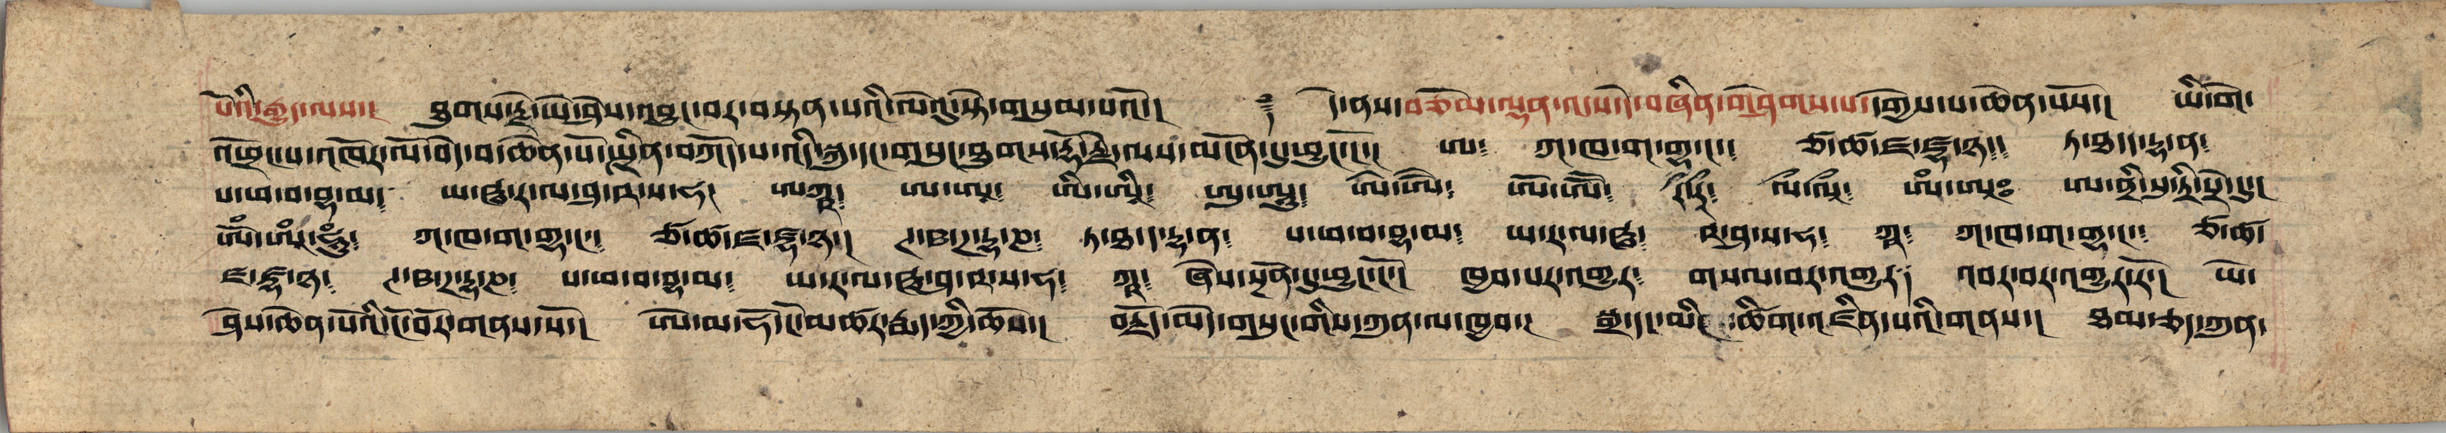པོའི་རྒྱུད་ལས་། ཐུགས་རྗེ་ཡེ་ཤེས་འབྱུང་བར་བསྟན་པའི་ལེའུ་སྟེ་གསུམ་པའོ་། ࿑ དེ་ནས་བཅོམ་ལྡན་འདས་དེ་བཞིན་གཤེགས་པ་དགྱེས་པ་ཆེན་པོས་། ཡི་གེ་
འཕྲོང་པ་འཁོར་ལོ་བདེ་བ་ཆེན་པོ་སྤྲིན་བཀོད་པ་འདི་སྐུ་དང་གསུང་ཐུགས་རྡོ་རྗེ་ལས་མངོན་དུ་ཕྱུང་ངོ་། ཨ༴ ཀ་ཁ་ག་གྷ་ང་༴ ཙ་ཚ་ཛ་ཛྷ་ཉ༴༴ ཏ་ཐ་ད་དྷ་ན༴
པ་ཕ་བ་བྷ་མ༴ ཡ་ཝ་ར་ལ་ཤ་ཥ་ས་ཧ། ཨཀྵ༴ ཨ་ཨཱ༴ ཨི་ཨཱི༴ ཨུ་ཨཱུ༴ ཨེ་ཨཻ༴ ཨོ་ཨཽ༴ རྀ་རཱྀ༴ ལྀ་ལཱྀ༴ ཨཾ་ཨཱཿ ཨ་ནྲི་སུ་ཏྲི་སྲེ་དུ་།
ཨོྃ་ཨཱྃ་ཧཱུཾ༴ ཀ་ཁ་ག་གྷ་ང་༴ ཙ་ཚ་ཛ་ཛྷ་ཉ༴། ཊ་ཋ་ཌ་དྷ་ཎ༴ ཏ་ཋ་ད་དྷ་ན༴ པ་ཕ་བ་བྷ་མ༴ ཡ་ར་ལ་ཝ༴ ཥ་ཤ་ས་ཧ༴ ཀྵ༴ ཀ་ཁ་ག་བྷ་ང་༴ ཙ་ཚ་
ཛ་ཛྷ་ཉ༴ ཊ་ཋ་ཌ་དྷ་ཎ༴ པ་ཕ་བ་བྷ་མ༴ ཡ་ར་ལ་ཝ་ཤ་ཥ་ས་ཧ༴ ཀྵ༴ ཞེས་སྔོན་དུ་ཕྱུང་ངོ་། ཁྱབ་པར་འགྱུར༴ གསལ་བར་འགྱུར༑ འབར་བར་འགྱུར་རོ་། ཡེ་
ཤེས་ཆེན་པོའི་ངོ་བོར་གནས་སོ་། ཨེ་མ་ཧོ་ངོ་མཚར་རྨད་ཀྱི་ཆོས་། བརྗོད་མེད་གསུང་གིས་ཀུན་ལ་ཁྱབ་། སྒྲ་དང་མིང་ཚིག་འཛིན་པའི་གནས་། ཐམ་ཅད་ཀུན་